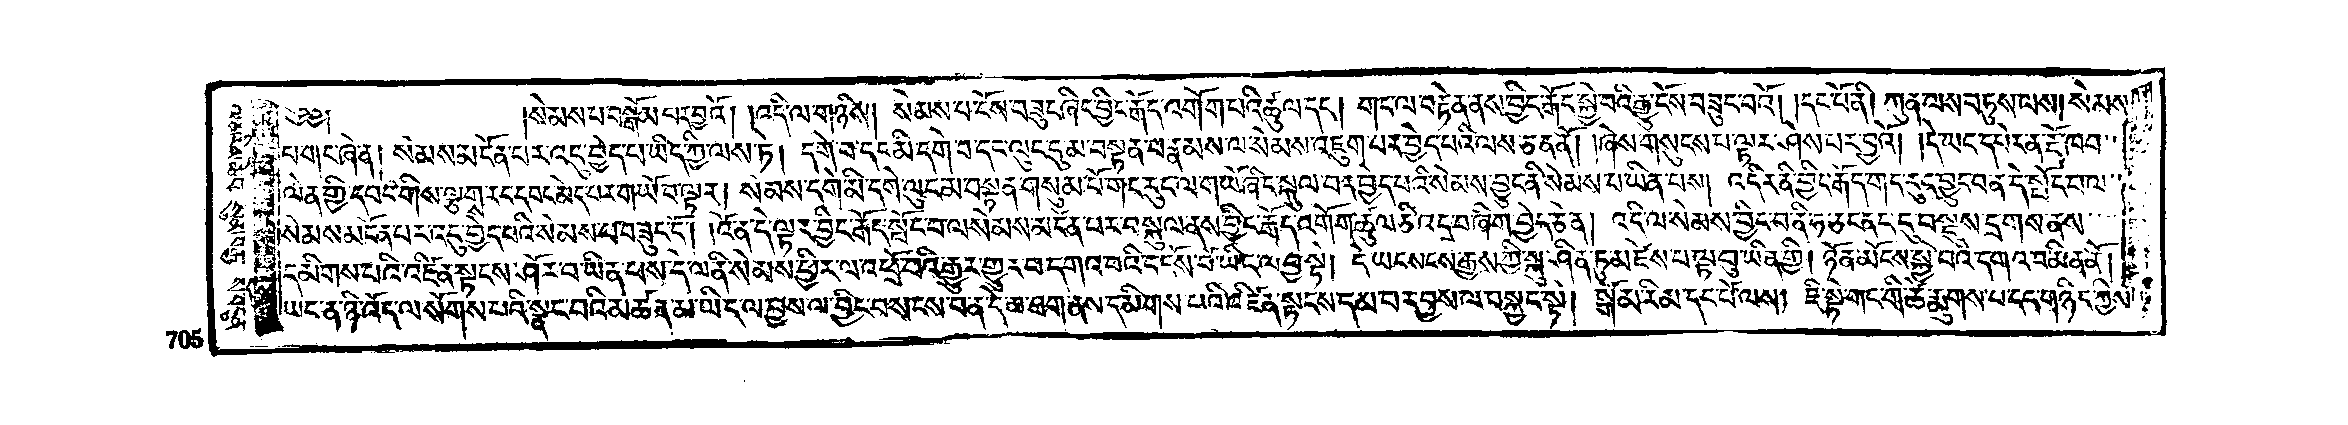༄༅། །སེམས་པ་བསྒོམ་པར་བྱའོ། །འདི་ལ་གཉིས། སེམས་པ་ངོས་བཟུང་ཞིང་བྱིང་རྒོད་འགོག་པའི་ཚུལ་དང་། གང་ལ་བརྟེན་ནས་བྱིང་རྒོད་སྐྱེ་བའི་རྒྱུ་ངོས་བཟུང་བའོ། །དང་པོ་ནི། ཀུན་ལས་བཏུས་ལས། སེམས་
པ་གང་ཞེན། སེམས་མངོན་པར་འདུ་བྱེད་པ་ཡིད་ཀྱི་ལས་ཏེ། དགེ་བ་དང་མི་དགེ་བ་དང་ལུང་དུ་མ་བསྟན་པ་རྣམས་ལ་སེམས་འཇུག་པར་བྱེད་པའི་ལས་ཅན་ནོ། །ཞེས་གསུངས་པ་ལྟར་ཤེས་པར་བྱའོ། །དེ་ཡང་དཔེར་ན་རྡོ་ཁབ་
ལེན་གྱི་དབང་གིས་ལྕགས་རང་དབང་མེད་པར་གཡོ་བ་ལྟར། སེམས་དགེ་མི་དགེ་ལུང་མ་བསྟན་གསུམ་པོ་གང་རུང་ལ་གཡོ་ཞིང་སྐུལ་བར་བྱེད་པའི་སེམས་བྱུང་ནི་སེམས་པ་ཡིན་པས། འདིར་ནི་བྱིང་རྒོད་གང་རུང་བྱུང་བ་ན་དེ་སྤོང་བ་ལ་
སེམས་མངོན་པར་འདུ་བྱེད་པའི་སེམས་པ་བཟུང་ངོ། །འོ་ན་དེ་ལྟར་བྱིང་རྒོད་སྤོང་བ་ལ་སེམས་མངོན་པར་བསྐུལ་ནས་བྱིང་རྒོད་འགོག་ཚུལ་ཅི་འདྲ་བ་ཞིག་བྱེད་ཅེ་ན། འདི་ལ་སེམས་བྱིང་བ་ནི་ཧ་ཅང་ནང་དུ་བསྡུས་དྲགས་ནས་
དམིགས་པའི་འཛིན་སྟངས་ཤོར་བ་ཡིན་པས་དེ་ལ་ནི་སེམས་ཕྱིར་ལ་འཕྲོ་བའི་རྒྱུར་གྱུར་པ་དགའ་བའི་དངོས་པོ་ཡིད་ལ་བྱ་སྟེ། དེ་ཡང་སངས་རྒྱས་ཀྱི་སྐུ་ཤིན་ཏུ་མཛེས་པ་ལྟ་བུ་ཡིན་གྱི། ཉོན་མོངས་སྐྱེ་བའི་དགའ་བ་མིན་ནོ། །
ཡང་ན་ཉི་འོད་ལ་སོགས་པའི་སྣང་བའི་མཚན་མ་ཡིད་ལ་བྱས་ལ་བྱིང་བ་སངས་པ་ན་དེ་མ་ཐག་ནས་དམིགས་པའི་འཛིན་སྟངས་དམ་པར་བྱས་ལ་བསྐྱང་སྟེ། སྒོམ་རིམ་དང་པོ་ལས། ཇི་སྟེ་གང་གི་ཚེ་རྨུགས་པ་དང་གཉིད་ཀྱིས་